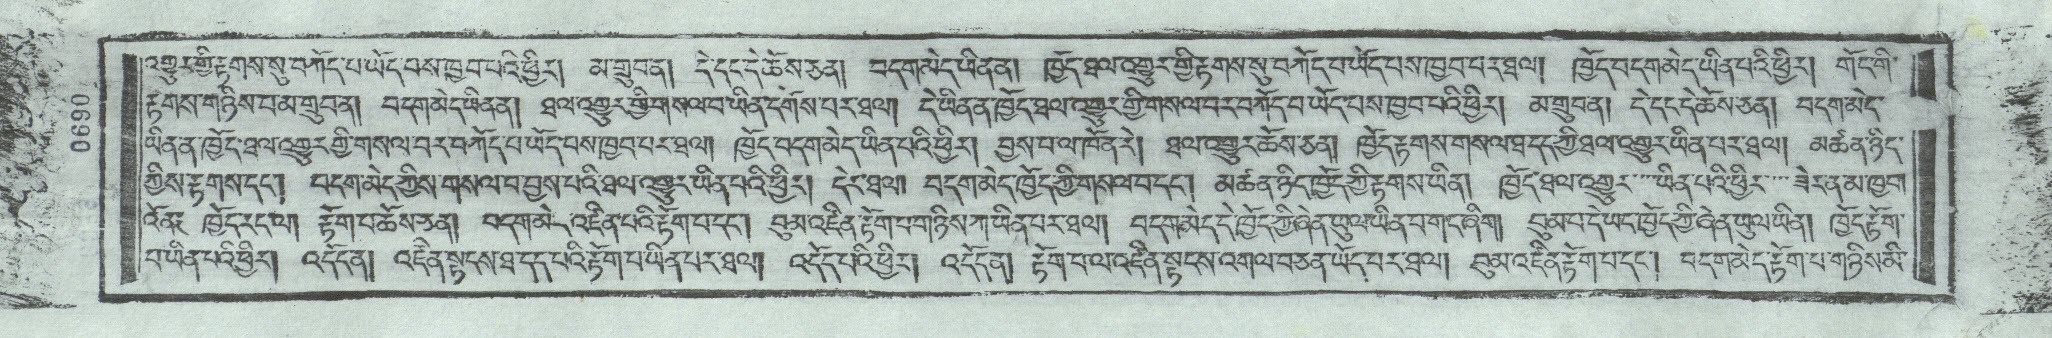འབྱུང་གྱི་རྟགས་སུ་བཀོད་པ་ཡོད་པས་ཁྱབ་པའི་ཕྱིར། མ་གྲུབ་ན། དེ་དང་དེ་ཆོས་ཅན། བདག་མེད་ཡིན་ན། ཁྱོད་ཐལ་འགྱུར་གྱི་རྟགས་སུ་བཀོད་པ་ཡོད་པས་ཁྱབ་པར་ཐལ། ཁྱོད་བདག་མེད་ཡིན་པའི་ཕྱིར། གོང་གི་
རྟགས་གཉིས་པ་མ་གྲུབ་ན། བདག་མེད་ཡིན་ན། ཐལ་འགྱུར་གྱི་གསལ་བ་ཡིན་དགོས་པར་ཐལ། དེ་ཡིན་ན་ཁྱོད་ཐལ་འགྱུར་གྱི་གསལ་བར་བཀོད་པ་ཡོད་པས་ཁྱབ་པའི་ཕྱིར། མ་གྲུབ་ན། དེ་དང་དེ་ཆོས་ཅན། བདག་མེད་
ཡིན་ན་ཁྱོད་ཐལ་འགྱུར་གྱི་གསལ་བར་བཀོད་པ་ཡོད་པས་ཁྱབ་པར་ཐལ། ཁྱོད་བདག་མེད་ཡིན་པའི་ཕྱིར། བྱས་པ་ལ་ཁོ་ན་རེ། ཐལ་འགྱུར་ཆོས་ཅན། ཁྱོད་རྟགས་གསལ་ཐ་དད་ཀྱི་ཐལ་འགྱུར་ཡིན་པར་ཐལ། མཚན་ཉིད་
ཀྱིས་རྟགས་དང་། བདག་མེད་ཀྱིས་གསལ་བ་བྱས་པའི་ཐལ་འགྱུར་ཡིན་པའི་ཕྱིར། དེར་ཐལ། བདག་མེད་ཁྱོད་ཀྱི་གསལ་བ་དང་། མཚན་ཉིད་ཁྱོད་ཀྱི་རྟགས་ཡིན། ཁྱོད་ཐལ་འགྱུར་ཡིན་པའི་ཕྱིར་ཟེར་ན་མ་ཁྱབ།
འོ་ན༑ ཁྱོད་རང་ལ། རྟོག་པ་ཆོས་ཅན། བདག་མེད་འཛིན་པའི་རྟོག་པ་དང་། བུམ་འཛིན་རྟོག་པ་གཉིས་ཀ་ཡིན་པར་ཐལ། བདག་མེད་དེ་ཁྱོད་ཀྱི་ཞེན་ཡུལ་ཡིན་པ་གང་ཞིག། བུམ་པ་དེ་ཡང་ཁྱོད་ཀྱི་ཞེན་ཡུལ་ཡིན། ཁྱོད་རྟོག་
པ་ཡིན་པའི་ཕྱིར། འདོད་ན། འཛིན་སྟངས་ཐ་དད་པའི་རྟོག་པ་ཡིན་པར་ཐལ། འདོད་པའི་ཕྱིར། འདོད་ན། རྟོག་པ་ལ་འཛིན་སྟངས་འགལ་བ་ཅན་ཡོད་པར་ཐལ། བུམ་འཛིན་རྟོག་པ་དང་། བདག་མེད་རྟོག་པ་གཉིས་མི་